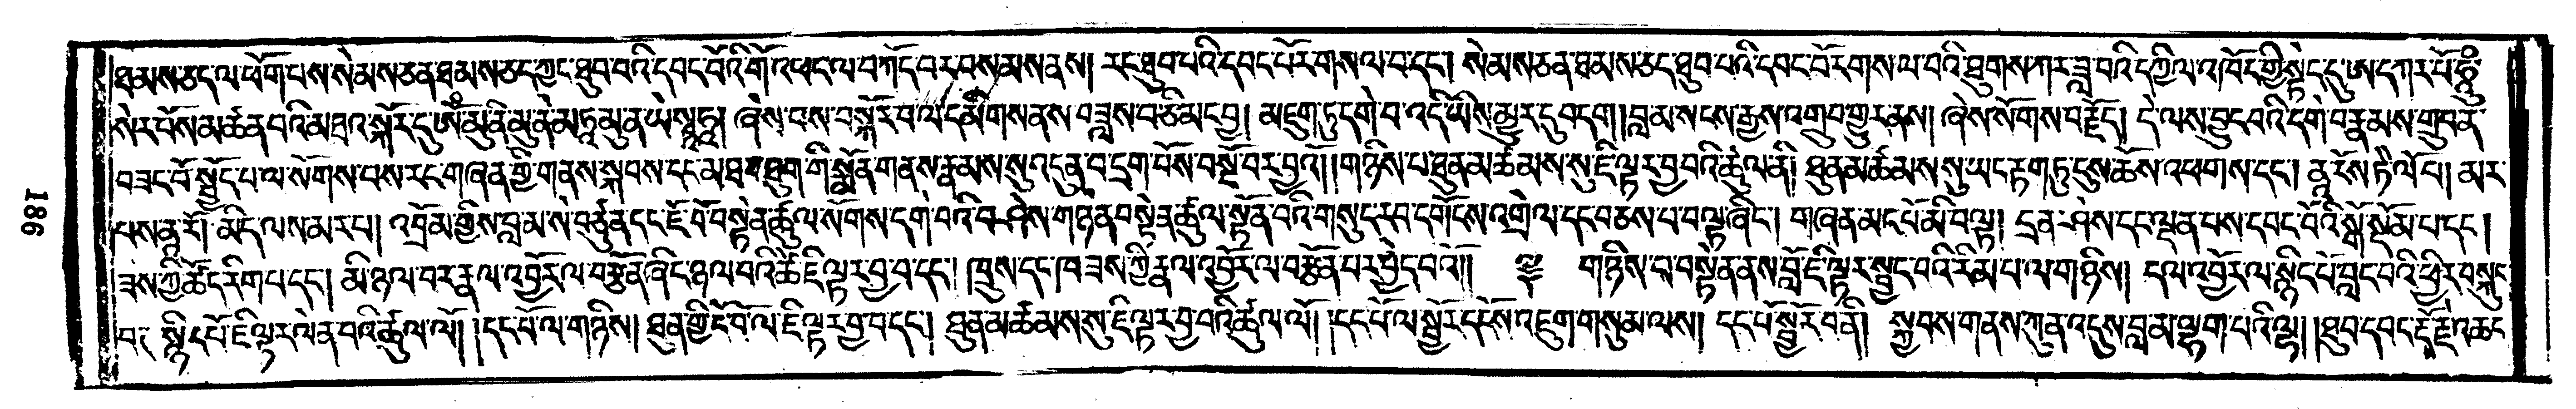ཐམས་ཅད་ལ་ཕོག་པས་སེམས་ཅན་ཐམས་ཅད་ཀྱང་ཐུབ་བའི་དབང་བོའི་གོ་འཕང་ལ་བཀོད་བར་བསམས་ནས། རང་ཐུབ་པའི་དབང་པོར་གསལ་བ་དང་། སེམས་ཅན་ཐམས་ཅད་ཐུབ་པའི་དབང་པོར་གསལ་བའི་ཐུགས་ཀར་ཟླ་བའི་དཀྱིལ་འཁོར་གྱི་སྟེང་དུ་ཨ་དཀར་པོ་ཧཱུཾ་
སེར་པོས་མཚན་བའི་མཐའ་སྐོར་དུ་ཨོཾ་མུ་ནི་མུ་ནེ་མཧཱ་མུ་ན་ཡེ་སྭཱཧཱ། ཞེས་བས་བསྐོར་བ་ལ་དམིགས་ནས་བཟླས་བ་ཅི་མང་བྱ། མཇུག་ཏུ་དགེ་བ་འདི་ཡིས་མྱུར་དུ་བདག །བླ་མ་སངས་རྒྱས་འགྲུབ་གྱུར་ནས། ཞེས་སོགས་བརྗོད། དེ་ལས་བྱུང་བའི་དགེ་བ་རྣམས་གྲུབ་ན་
བཟང་པོ་སྤྱོད་པ་ལ་སོགས་བས་རང་གཞན་གྱི་གནས་སྐབས་དང་མཐར་ཐུག་གི་སྨོན་གནས་རྣམས་སུ་འདུན་བ་དྲག་པོས་བསྔོ་བར་བྱའོ། །གཉིས་པ་ཐུན་མཚམས་སུ་ཇི་ལྟར་བྱ་བའི་ཚུལ་ནི། ཐུན་མཚམས་སུ་ཡང་རྟག་ཏུ་དུས་ཆོས་འཕགས་དང་། ནཱ་རོས་ཏཻ་ལོ་པ། མར་
པས་ནཱ་རོ། མིད་ལས་མར་པ། འབྲོམ་གྱིས་བླ་མ་སེ་བཙུན་དང་ཇོ་བོ་བསྟེན་ཚུལ་སོགས་དགེ་བའི་བཤེས་གཉེན་བསྟེན་ཚུལ་སྟོན་བའི་གསུང་རབ་དགོངས་འགྲེལ་དང་བཅས་པ་བལྟ་ཞིང་། གཞན་མང་པོ་མི་བལྟ། དྲན་ཤེས་དང་ལྡན་པས་དབང་བོའི་སྒོ་སྡོམ་པ་དང་།
ཟས་ཀྱི་ཚོད་རིག་པ་དང་། མི་ཉལ་བར་རྣལ་འབྱོར་ལ་བརྩོན་ཞིང་ཉལ་བའི་ཚེ་ཇི་ལྟར་བྱ་བ་དང་། ཁྲུས་དང་ཁ་ཟས་ཀྱི་རྣལ་འབྱོར་ལ་བརྩོན་པར་བྱེད་བའོ།། ༈ གཉིས་བ་བསྟེན་ནས་བློ་ཇི་ལྟར་སྦྱང་བའི་རིམ་པ་ལ་གཉིས། དལ་འབྱོར་ལ་སྙིང་པོ་བླང་བའི་ཕྱིར་བསྐུར་
བ༑ སྙིང་པོ་ཇི་ལྟར་ལེན་བའི་ཚུལ་ལོ། །དང་པོ་ལ་གཉིས། ཐུན་གྱི་ངོ་བོ་ལ་ཇི་ལྟར་བྱ་བ་དང་། ཐུན་མཚམས་སུ་ཇི་ལྟར་བྱ་བའི་ཚུལ་ལོ། །དང་པོ་ལ་སྦྱོར་དངོས་འཇུག་གསུམ་ལས། དང་པོ་སྦྱོར་བ་ནི། སྐྱབས་གནས་ཀུན་འདུས་བླ་མ་ལྷག་པའི་ལྷ། །ཐུབ་དབང་རྡོ་རྗེ་འཆང་